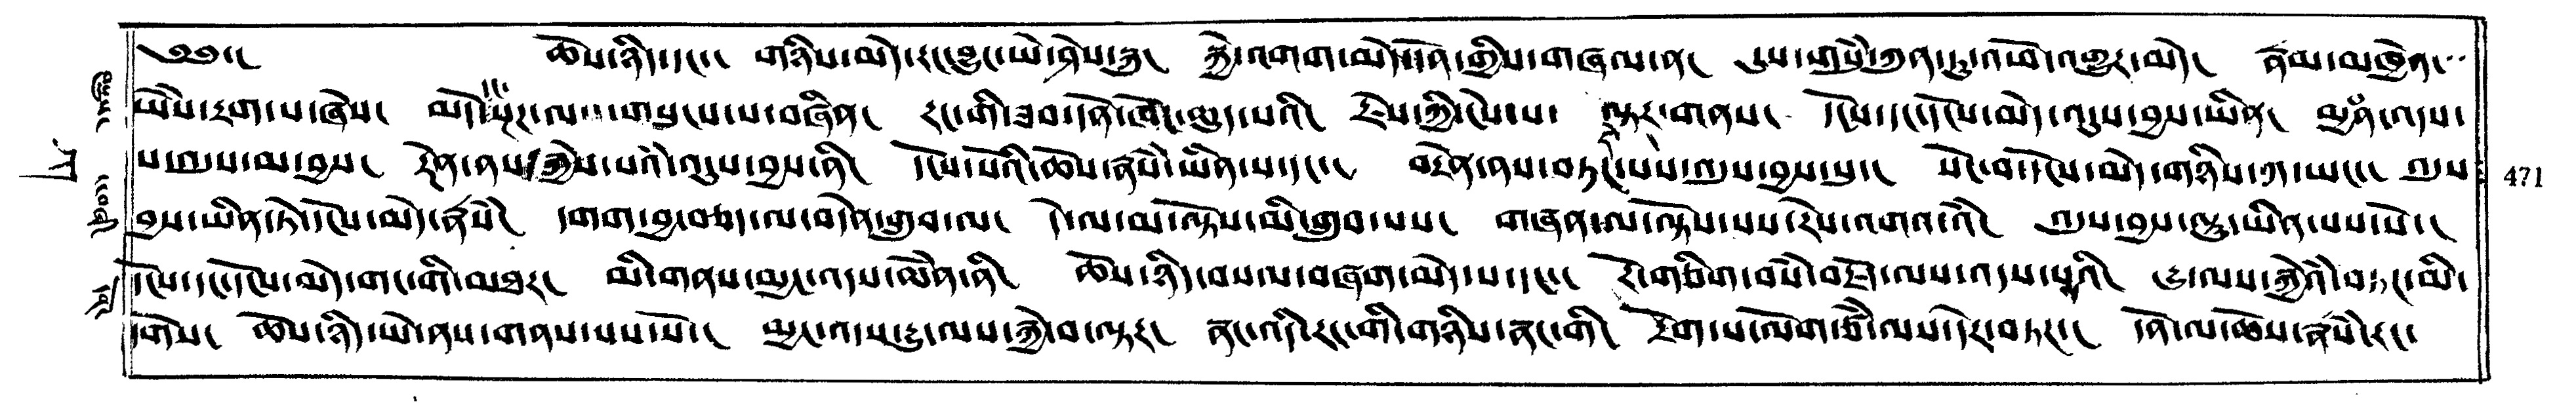ཆོས་ཉིད་དང་། །གཉིས་མེད་རང་བྱུང་ཡེ་ཤེས་སྐུ། །སྐྱེ་འགག་མེད་དོན་གྱིས་གཞལ་ན། །དུས་གསུམ་ཀུན་ཏུ་འཕོ་འགྱུར་མེད། །རྣམ་མཁྱེན་
ཡེ་ཤེས་རྟག་པ་ཞེས། །མདོ་དང་སྔགས་ལས་གསུངས་པ་བཞིན། །རང་གི་ཟབ་དོན་ཁོང་ཆུད་པའི། །རྗེས་ཀྱི་ངེས་པ་དེ་ལྟར་གནས། །དངོས་དང་དངོས་མེད་འདུས་བྱས་ཡིན། །མྱ་ངན་འདས་
པ་འདུས་མ་བྱས། །བརྟེན་ནས་སྐྱེས་པའི་འདུས་བྱས་ནི། །དངོས་པོའི་ཆོས་རྣམས་ཡིན་པ་དང་། །བརྟེན་ནས་བཏགས་པས་འདུས་བྱས་སུ། །སོང་བ་དངོས་མཻད་གཉིས་ཀ་ཡང་། །འདུས་
བྱས་ཡིན་ཏེ་དངོས་མེད་རྣམས། །དགག་བྱ་བཅད་ལ་བདེན་གྲུབ་ལ། །དེ་ལ་མ་ལྟོས་མི་གྲུབ་པས། །གཞན་ལ་ལྟོས་པས་རེས་འགའ་འམ། །འདུས་བྱས་ལྟ་བུ་ཡིན་པས་སོ། །
དངོས་དང་དངོས་མེད་གང་གི་མཐར། །མི་གནས་མྱང་འདས་ཆེན་པོ་ནི། །ཆོས་ཉིད་བསལ་བཞག་མེད་པ་དང་། །རོ་གཅིག་བསམ་བརྗོད་ལས་འདས་པས། །རྒྱུ་ལས་སྐྱེའམ་བཏགས་མི་
དགོས། །ཆོས་ཉིད་ཡེ་ནས་གནས་པས་སོ། །མྱང་འདས་རྒྱུ་ལས་སྐྱེ་བ་ལྟར། །སྣང་འདི་རང་གི་གཉིས་སྣང་གི། །རྟོག་པ་ལོག་ཙམ་ལས་དེར་བཏགས། །དོན་ལ་ཆོས་རྣམས་རང་